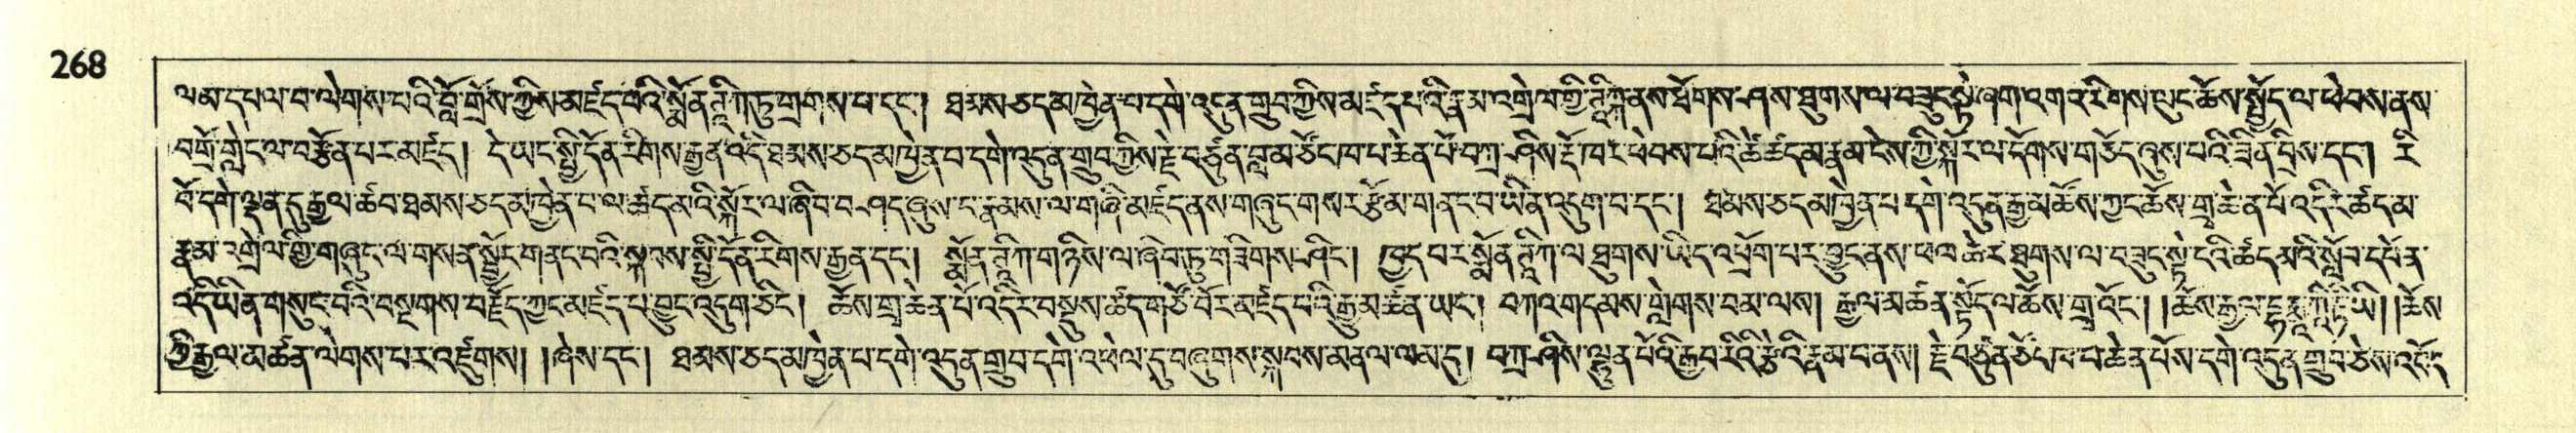ལམ་དཔལ་བ་ལེགས་པའི་བློ་གྲོས་ཀྱིས་མཛད་པའི་སྨོན་ཊཱིཀྐ་ཏུ་གྲགས་པ་དང་། ཐམས་ཅད་མཁྱེན་པ་དགེ་འདུན་གྲུབ་ཀྱིས་མཛད་པའི་རྣམ་འགྲེལ་གྱི་ཊཱིཀྐ་ནས་ཐོགས་ཤས་ཐུགས་ལ་བཟུང་སྟེ་ཞག་འགའ་རིགས་ལུང་ཆོས་སྤྱོད་ལ་ཕེབས་ནས་
བགྲོ་གླེང་ལ་བརྩོན་པར་མཛད། དེ་ཡང་སྤྱི་དོན་རིགས་རྒྱན་འདི་ཐམས་ཅད་མཁྱེན་པ་དགེ་འདུན་གྲུབ་ཀྱིས་རྗེ་བཙུན་བླ་མ་ཙོང་ཁ་པ་ཆེན་པོ་བཀྲ་ཤིས་རྡོ་ཁར་ཕེབས་པའི་ཚེ་ཚད་མ་རྣམ་ངེས་ཀྱི་སྐོར་ལ་དོགས་གཅོད་ཞུས་པའི་ཟིན་བྲིས་དང་། རི་
བོ་དགེ་ལྡན་དུ་རྒྱལ་ཚབ་ཐམས་ཅད་མཁྱེན་པ་ལ་ཚད་མའི་སྐོར་ལ་ཞིབ་བཤད་ཞུས་པ་རྣམས་ལ་གཞི་མཛད་ནས་གཞུང་གསར་རྩོམ་གནང་བ་ཡིན་འདུག་པ་དང་། ཐམས་ཅད་མཁྱེན་པ་དགེ་འདུན་རྒྱ་མཚོས་ཀྱང་ཆོས་གྲྭ་ཆེན་པོ་འདིར་ཚད་མ་
རྣམ་འགྲེལ་གྱི་གཞུང་ལ་གསན་སྦྱོང་གནང་བའི་སྐབས་སྤྱི་དོན་རིགས་རྒྱན་དང་། སྨོན་ཊཱིཀ་གཉིས་ལ་ཞིབ་ཏུ་གཟིགས་ཤིང་། ཁྱད་པར་སྨོན་ཊཱིཀ་ལ་ཐུགས་ཡིད་འཕྲོག་པར་བྱུང་ནས་ཕལ་ཆེར་ཐུགས་ལ་བཟུང་སྟེ་ངའི་ཚད་མའི་སློབ་དཔོན་
འདི་ཡིན་གསུང་བའི་བསྔགས་བརྗོད་ཀྱང་མཛད་པ་བྱུང་འདུག་ཅིང་། ཆོས་གྲྭ་ཆེན་པོ་འདིར་བསྡུས་ཚད་གཙོ་བོར་མཛད་པའི་རྒྱུ་མཚན་ཡང་། བཀའ་གདམས་གླེགས་བམ་ལས། རྒྱལ་མཚན་སྟོད་ལ་ཆོས་གྲྭ་འོང་། །ཆོས་རྒྱལ་དྷརྨཱ་ཀཱིརྟི་ཡི། །ཆོས་
ཀྱི་རྒྱལ་མཚན་ལེགས་པར་འཛུགས། །ཞེས་དང་། ཐམས་ཅད་མཁྱེན་པ་དགེ་འདུན་གྲུབ་དགེ་འཕེལ་དུ་བཞུགས་སྐབས་མནལ་ལམ་དུ། བཀྲ་ཤིས་ལྷུན་པོའི་རྒྱབ་རིའི་རྩེའི་རྣམ་བ་ནས། རྗེ་བཙུན་ཙོང་ཁ་པ་ཆེན་པོས་དགེ་འདུན་གྲུབ་ཅེས་འབོད་